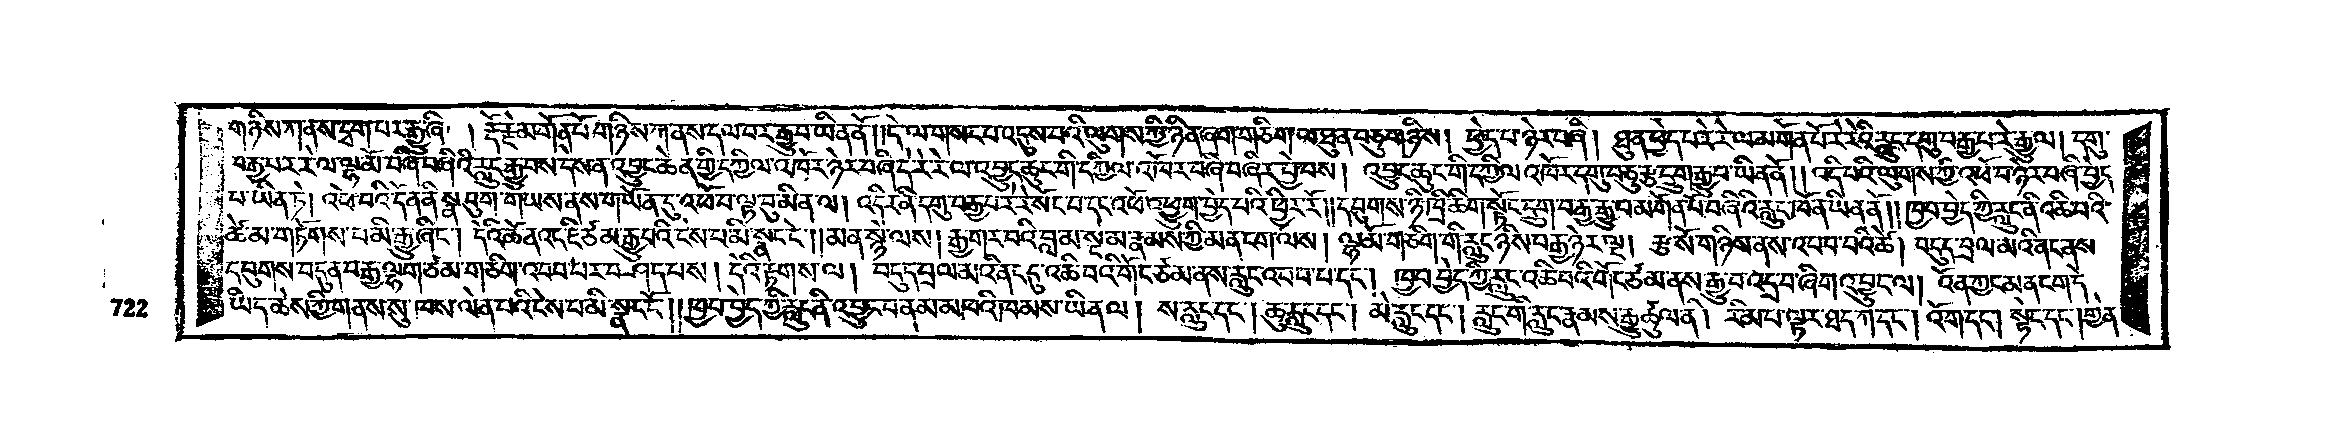གཉིས་ཀ་ནས་དྲག་པར་རྒྱུ་ཞིང་། རྡོ་རྗེ་མགོན་པོ་གཉིས་ཀ་ནས་དལ་བར་རྒྱུ་བ་ཡིན་ནོ། །དེ་ལ་གསང་བ་འདུས་པའི་ལུགས་ཀྱི་ཉིན་ཞག་གཅིག་ལ་ཐུན་བཅུ་གཉིས། ཕྱེད་པ་ཉེར་བཞི། ཐུན་ཕྱེད་པ་རེ་རེ་ལ་མགོན་པོ་རེ་རེའི་རླུང་དགུ་བརྒྱ་པ་རེ་རྒྱུ་ལ། དགུ་
བརྒྱ་པ་རེ་རེ་ལ་ལྷ་མོ་བཞི་བཞིའི་རླུང་རྒྱུ་བས་དེས་ན་འབྱུང་ཆེན་གྱི་དཀྱིལ་འཁོར་ཉེར་བཞི་དེ་རེ་རེ་ལ་འབྱུང་ཆུང་གི་དཀྱིལ་འཁོར་བཞི་བཞིར་ཕྱེ་པས། འབྱུང་ཆུང་གི་དཀྱིལ་འཁོར་དགུ་བཅུ་རྩ་དྲུག་རྒྱུ་བ་ཡིན་ནོ། །འདི་པའི་ལུགས་ཀྱི་འཕོ་བ་ཉེར་བཞི་བྱེད་
པ་ཡིན་ཏེ། འཕོ་བའི་དོན་ནི་སྣ་བུག་གཡས་ནས་གཡོན་དུ་འཕོ་བ་ལྟ་བུ་མིན་ལ། འདིར་ནི་དགུ་བརྒྱ་པ་རེ་རེ་སོང་བ་དང་འཕོ་འཕྱུག་བྱེད་པའི་ཕྱིར་རོ། །དབུགས་ཉི་ཁྲི་ཆིག་སྟོང་དྲུག་བརྒྱ་རྒྱུ་བ་མགོན་པོ་བཞིའི་རླུང་ཁོ་ན་ཡིན་ནོ། །ཁྱབ་བྱེད་ཀྱི་རླུང་ནི་འཆི་བའི་
ཚེ་མ་གཏོགས་པ་མི་རྒྱུ་ཞིང་། དེའི་ཚེ་ནའང་ཇི་ཙམ་རྒྱུ་བའི་ངེས་པ་མི་སྣང་ངོ། །མན་སྙེ་ལས། རྒྱ་གར་བའི་བླ་མ་སྔ་མ་རྣམས་ཀྱི་མན་ངག་ལས། ལྷ་མོ་གཅིག་གི་རླུང་ཉིས་བརྒྱ་ཉེར་ལྔ། རྩ་སོ་གཉིས་ནས་འབབ་པའི་ཚེ། བདུད་བྲལ་མའི་ནང་ནས་
དབུགས་བདུན་བརྒྱ་ལྷག་ཙམ་གཅིག་འབབ་པར་བཤད་པས། དེའི་རྟགས་ལ། བདུད་བྲལ་མའི་ནང་དུ་འཆི་བའི་གོང་ཙམ་ནས་རླུང་འབབ་པ་དང་། ཁྱབ་བྱེད་ཀྱི་རླུང་འཆི་བའི་གོང་ཙམ་ནས་རྒྱུ་བ་འདྲ་བ་ཞིག་འབྱུང་ལ། འོན་ཀྱང་མན་ངག་དེ་
ཡིད་ཆེས་ཀྱི་གནས་སུ་ཁས་ལེན་པའི་ངེས་པ་མི་སྣང་ངོ། །ཁྱབ་བྱེད་ཀྱི་རླུང་ནི་འབྱུང་བ་ནམ་མཁའི་ཁམས་ཡིན་ལ། ས་རླུང་དང་། ཆུ་རླུང་དང་། མེ་རླུང་དང་། རླུང་གི་རླུང་རྣམས་རྒྱུ་ཚུལ་ནི། རིམ་པ་ལྟར་ཐད་ཀ་དང་། འོག་དང་། སྟེང་དང་། གྱེན་